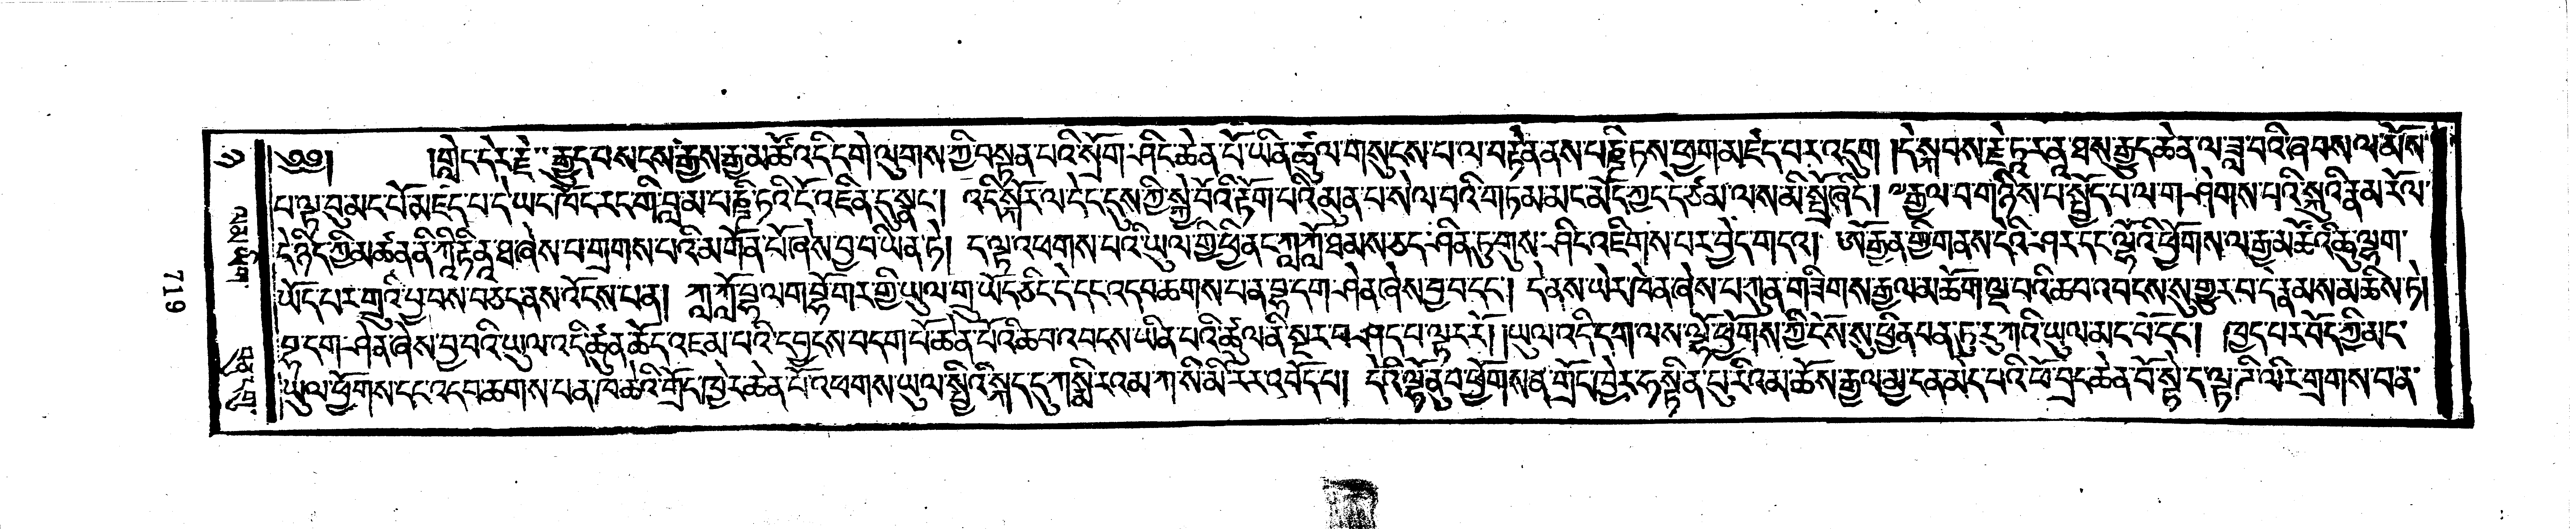༄༅། །གླེང་དེར་རྗེ་རྒྱུད་བ་སངས་རྒྱས་རྒྱ་མཚོ་འདི་དགེ་ལུགས་ཀྱི་བསྟན་པའི་སྲོག་ཤིང་ཆེན་པོ་ཡིན་ཚུལ་གསུངས་པ་ལ་བརྟེན་ནས་པཎྜི་ཏས་ཕྱག་མཛད་པར་འདུག། དེ་སྐབས་རྗེ་ཏཱ་ར་ནཱ་ཐས་རྒྱུད་ཆེན་ལ་ཟླ་བའི་ཞབས་ལ་མོས་
པ་ལྟ་བུ་མང་པོ་མཛད་པ་དེ་ཡང་ཁོང་རང་གི་བླ་མ་པཎྜི་ཏའི་ངོ་འཇིན་དུ་སྣང་། འདི་སྐོར་ལ་དེང་དུས་ཀྱི་སྐྱེ་བོའི་རྟོག་པའི་མུན་པ་སེམས་བའི་གཏམས་མང་མོད་ཀྱང་དེ་ཙམ་ལས་མི་སྦྲོ་ཞིང་། ༈རྒྱལ་བ་གཉིས་པ་སྤྱོད་པ་ལག་ཤེགས་པའི་སྐུའི་རྣམ་རོལ་
དེ་ཉིད་ཀྱི་མཚན་ནི་ཀཱི་རྟི་ནཱ་ཐ་ཞེས་པ་གྲགས་པའི་མགོན་པོ་ཞེས་བྱ་བ་ཡིན་ཏེ། ད་ལྟ་འཕགས་པའི་ཡུལ་གྱི་ཕྱི་ནང་ཀླ་ཀློ་ཐམས་ཅད་ཤིན་ཏུ་གུས་ཤིང་འཇིགས་པར་བྱེད་གདའ། ཨོ་རྒྱན་གྱི་གནས་དེའི་ཤར་དང་ལྷོའི་ཕྱོགས་ལ་རྒྱ་མཚོའི་ཆུ་ལྷག་
ཡོད་པར་གྲུའི་བྱ་བས་བཅད་ནས་འོངས་པ་ན། ཀླ་ཀློ་བྷ་ལག་བྷོ་གར་གྱི་ཡུལ་གྲུ་ཡོད་ཅིང་དེ་དང་འདབ་ཆགས་པ་ན་བྷ་དག་ཤེན་ཞེས་བྱ་བ་དང་། དེ་ནས་ཡེར་ཁེན་ཞེས་པ་ཀུན་གཟིགས་རྒྱལ་མཆོག་ལྔ་པའི་ཆབ་འབངས་སུ་གྱུར་པ་དེ་རྣམས་མཆིས་ཏེ།
བྷ་དག་ཤེན་ཞེས་བྱ་བའི་ཡུལ་འདི་ཚུན་ཆོད་འཇམ་པའི་དབྱངས་བདག་པོ་ཆེན་པོའི་ཆབ་འབངས་ཡིན་པའི་ཚུལ་ནི་སྔར་བཤད་པ་ལྟར་རོ། །ཡུལ་འདི་དག་ལས་ལྷོ་ཕྱོགས་ཀྱི་ངོས་སུ་ཕྱིན་པན་ཏུ་རུ་ཀའི་ཡུལ་མང་པོ་དང་། ཁྱད་པར་བོད་ཀྱི་མང་
ཡུལ་ཕྱོགས་དང་འདབ་ཆགས་པ་ན་ཁ་ཆེའི་གྲོང་ཁྱེར་ཆེན་པོ་འཕགས་ཡུལ་སྤྱིའི་སྐད་དུ་ཀསྨི་རའམ་ཀ་སི་མི་རིར་འབོད་བ། དེའི་ལྷོ་ནུབ་ཕྱོགས་ན་གྲོང་ཁྱེར་ཧ་སྟི་ན་པུ་རིའམ་ཆོས་རྒྱལ་མྱ་ངན་མེད་པའི་ཕོ་བྲང་ཆེན་བོ་སྟེ་ད་ལྟ་ཌི་ལིར་གྲགས་པ་ན་